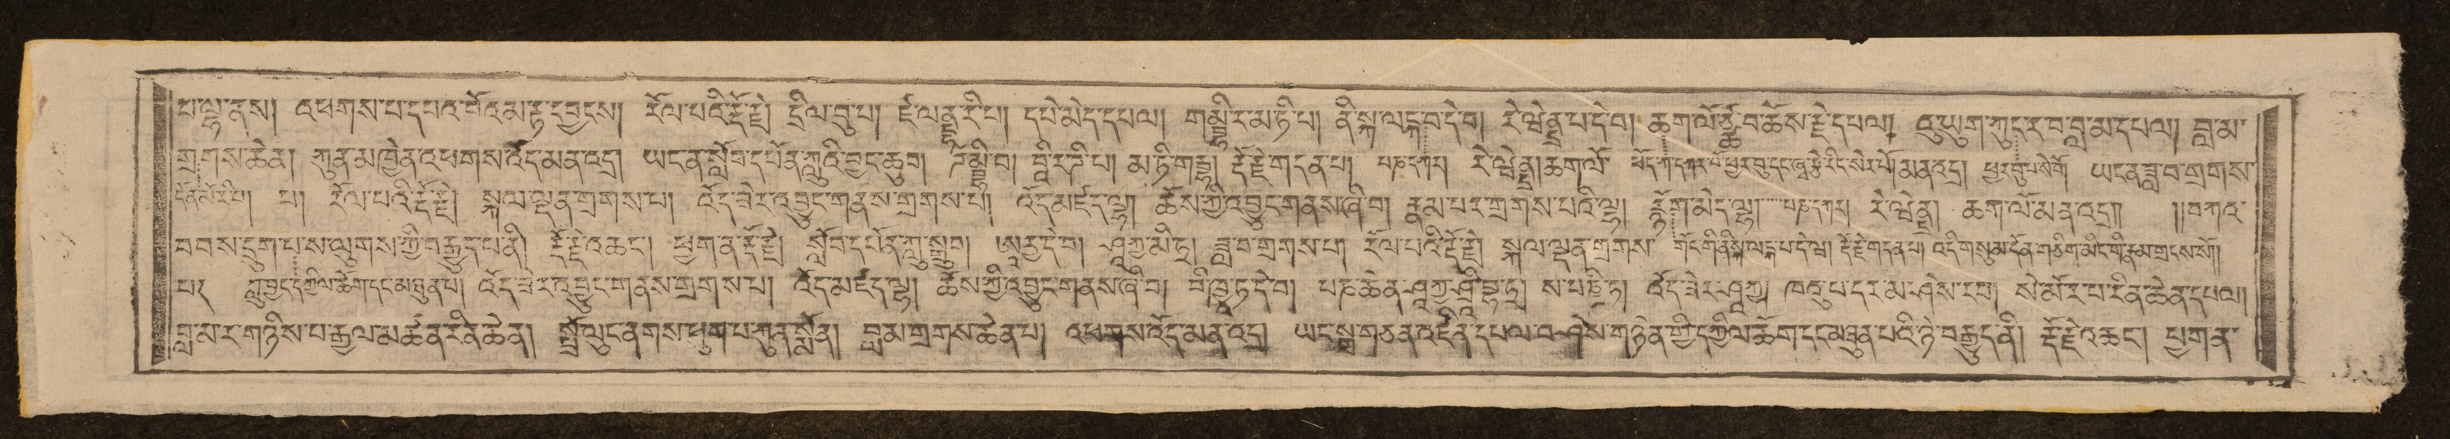པ་ལྷ་ནས། འཕགས་པ་དཔའ་བོའམ་རྟ་དབྱངས། རོལ་པའི་རྡོ་རྗེ། དྲིལ་བུ་པ། ཛ་ལནྡྷ་རི་པ། དཔེ་མེད་དཔལ། གམྦྷི་ར་མ་ཏི་པ། ནི་སྐ་ལངྐ་བ་དེ་བ། རེ་ཝེནྡྲ་པ་དེ་བ། ཆག་ལོ་ཙྪ་བ་ཆོས་རྗེ་དཔལ། འུ་ཡུག་ཀུད་རབ་བླ་མ་དཔལ། བླ་མ་
གྲགས་ཆེན། ཀུན་མཁྱེན་འཕགས་འོད་མན་འདྲ། ཡང་ན་སློབ་དཔོན་ཀླུའི་བྱང་ཆུབ། ཌོམྦྷི་བ། བཱི་ར་ཌི་པ། མ་ཏི་གརྦྷ། རྡོ་རྗེ་གདན་པ། པཎ་དཀར། རེ་ཝེནྡྲ། ཆག་ལོ་ཕོད་ཀ་དཀར་པོ་ཕྱིར་བུ་དང་ཞྭ་རྩེ་རིང་སེར་པོ། མན་འདྲ། ཕྱར་བུ་པ་སེ་བོ། ཡང་ན་ཟླ་བ་གྲགས་
དོན་མོ་རིབ། པ། རོལ་པའི་རྡོ་རྗེ། སྐལ་ལྡན་གྲགས་པ། འོད་ཟེར་འབྱུང་གནས་གྲགས་པ། འོད་མཛད་ལྷ། ཆོས་ཀྱི་འབྱུང་གནས་ཞི་བ། རྣམ་པར་གྲགས་པའི་ལྷ། རྙོག་མེད་ལྷ། པཎ་དཀར། རེ་ཝེནྡྲ། ཆག་ལོ་མན་འདྲ།། །།བཀའ་
བབས་དྲུག་པ་ས་ལུགས་ཀྱི་བརྒྱུད་པ་ནི། རྡོ་རྗེ་འཆང་། ཕྱག་ན་རྡོ་རྗེ། སློབ་དཔོན་ཀླུ་སྒྲུབ། ཨཱརྱ་དེ་བ། ཤཱཀྱ་མི་ཏྲ། ཟླ་བ་གྲགས་པ། རོལ་པའི་རྡོ་རྗེ། སྐལ་ལྡན་གྲགས་གོང་གི་ནི་སྐ་ལངྐ་པ་དེ་ཝ། རྡོ་རྗེ་གདན་པ། འདི་གསུམ་དོན་གཅིག་མིང་གི་རྣམ་གྲངས་སོ།།
པ༑ ཀླུ་བྱང་དཀྱིལ་ཆོག་དང་མཐུན་པ། འོད་ཟེར་འབྱུང་གནས་གྲགས་པ། འོད་མཛད་ལྷ། ཆོས་ཀྱི་འབྱུང་གནས་ཞི་བ། བི་ཁྱཱ་ཏ་དེ་བ། པཎ་ཆེན་ཤཱཀྱ་ཤྲཱི་བྷ་ཏྲ། ས་པཎྡི་ཏ་འོད་ཟེར་ཤཱཀྱ། ཁའུ་པ་དར་མ་ཤེས་རབ། སེ་མོ་ར་པ་རིན་ཆེན་དཔལ།
བླ་མ་ར་གཉིས་པ་རྒྱལ་མཚན་རིན་ཆེན། སྤྲོ་ལུང་ནགས་ཕུག་པ་ཀུན་སྨོན། བླ་མ་གྲགས་ཆེན་པ། འཕགས་འོད་མན་འདྲ། ཡང་སྒྲ་གཅན་འཛིན་དཔལ་བཤེས་གཉེན་གྱི་དཀྱིལ་ཆོག་དང་མཐུན་པའི་ཉེ་བརྒྱུད་ནི། རྡོ་རྗེ་འཆང་། ཕྱག་ན་